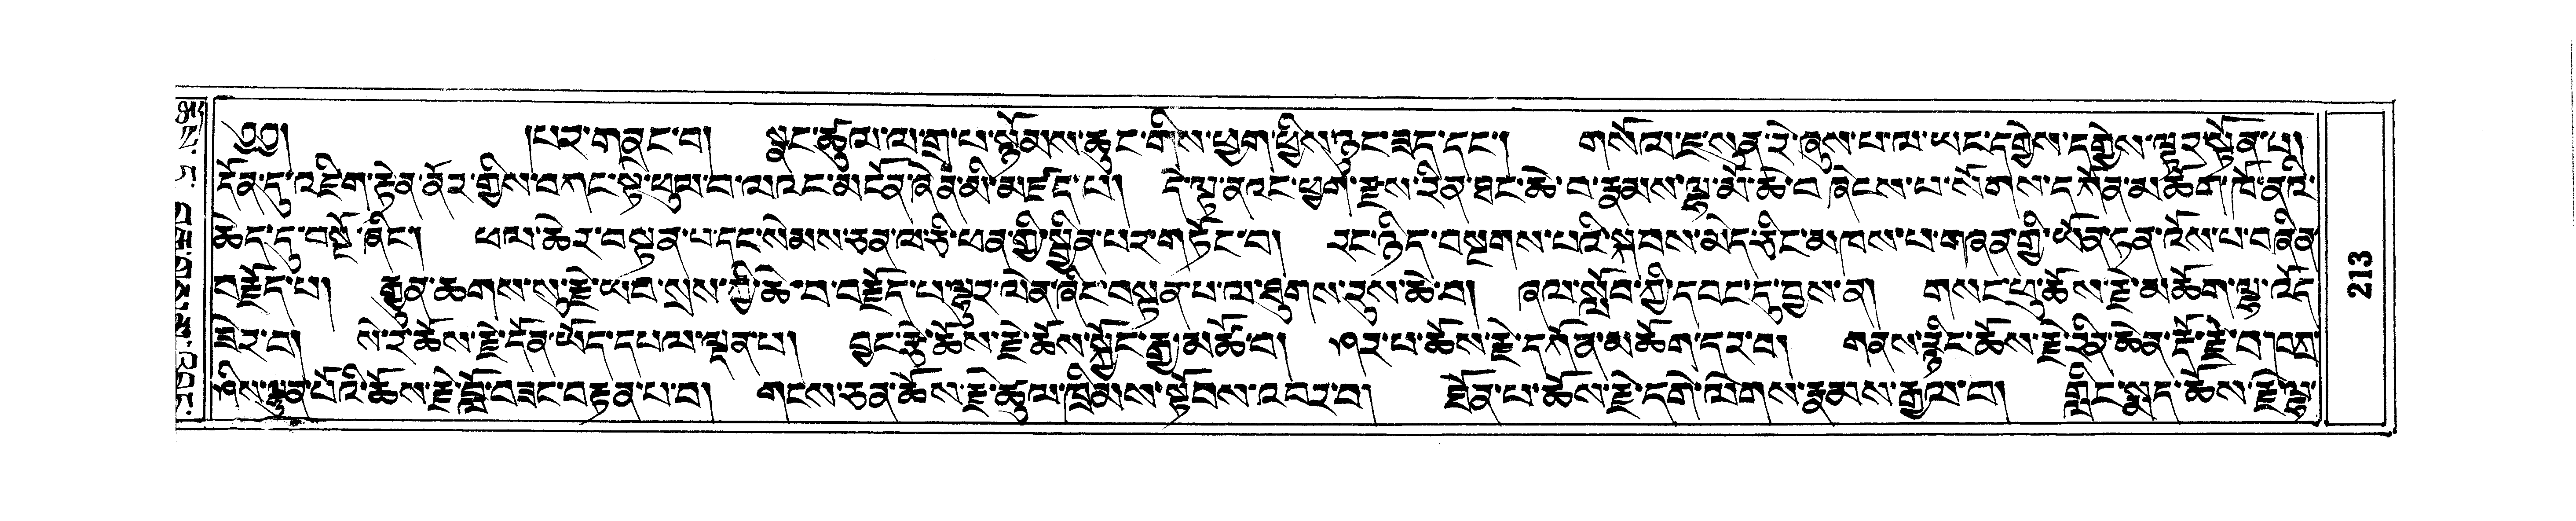༄༅། །པར་གནང་བ། སྣང་ཚུལ་ལ་གྲྭ་པ་སྙོམས་ཆུང་གིས་ཕྱག་ཕྱིས་ཉུང་ཟད་དང་། གསོལ་ཇ་སུན་རེ་ཞུས་པ་ལ་ཡང་དགྱེས་དགྱེས་ལྟར་སྟོན་པ།
དོན་དུ་འཇིག་རྟེན་ནོར་གྱིས་བཀང་སྟེ་ཕུལ་བ་ལའང་མངོན་ཞེན་མི་མཛད་པ། དེ་ལྟ་ནའང་ཕྱག་རྫས་རིན་ཐང་ཆེ་བ་རྣམས་ལྷ་མོ་ཆེ་བཞེངས་པ་སོགས་དཀོན་མཆོག་ཁོ་ནའི་
ཆེད་དུ་བསྔོ་ཞིང་། ཕལ་ཆེར་བསྟན་པ་དང་སེམས་ཅན་ལ་ཅི་ཕན་གྱི་སྦྱིན་པར་གཏོང་བ། རང་ཉིད་བསྔགས་པའི་སྐབས་མེད་ཅིང་མཁས་པ་གཞན་གྱི་ཡོན་ཏན་འོས་པ་བཞིན་
བརྗོད་པ། རྒྱུན་ཆགས་སུ་རྗེ་ཡབ་སྲས་ཀྱི་ཆེ་བ་བརྗོད་པ་ལྷུར་ལེན་ཞིང་བསྟན་པ་ལ་ཐུགས་རུས་ཆེ་བ། ཞལ་སློབ་ཀྱི་དབང་དུ་བྱས་ན། གསང་ཕུ་ཆོས་རྗེ་མཆོག་ལྷ་འོད་
ཟེར་བ། སེ་ར་ཆོས་རྗེ་དོན་ཡོད་དཔལ་ལྡན་པ། བྱང་རྩེ་ཆོས་རྗེ་ཆོས་སྐྱོང་རྒྱ་མཚོ་བ། ཤར་པ་ཆོས་རྗེ་དཀོན་མཆོག་དར་བ། གནས་རྙིང་ཆོས་རྗེ་རིན་ཆེན་རྡོ་རྗེ་བ། བཀྲ་
ཤིས་ལྷུན་པོའི་ཆོས་རྗེ་བློ་བཟང་བརྟན་པ་བ། གངས་ཅན་ཆོས་རྗེ་ཚུལ་ཁྲིམས་སྟོབས་འབར་བ། ཐོན་པ་ཆོས་རྗེ་དགེ་ལེགས་རྣམས་རྒྱལ་བ། གླིང་སྨད་ཆོས་རྗེ་ལྷ་